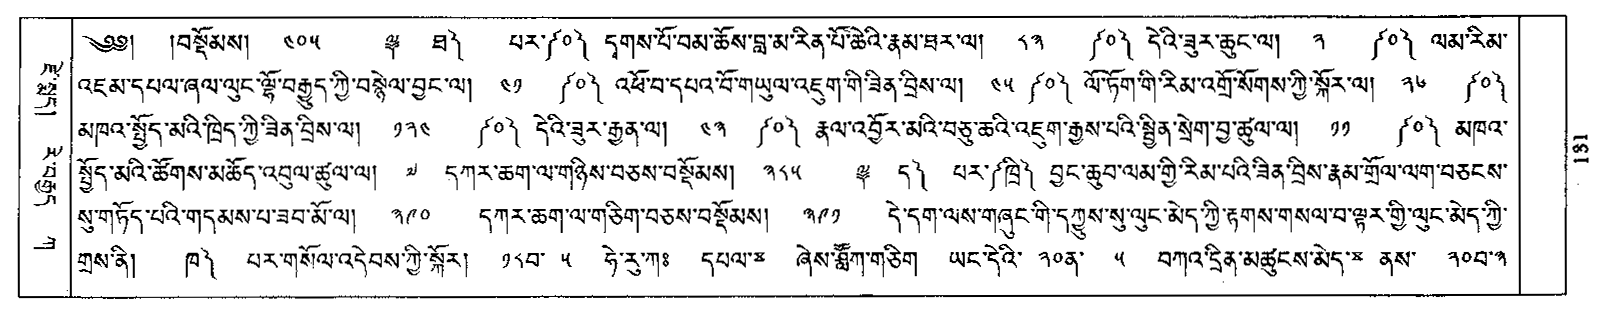༄༅། །བསྡོམས། ༤༠༥་༈ ཐ྄་པར ༼༠?་དྭགས་པོ་བམ་ཆོས་བླ་མ་རིན་པོ་ཆེའི་རྣམ་ཐར་ལ། ༨༣་༽༠?་དེའི་ཟུར་ཆུང་ལ། ༢ ༠?་ལམ་རིམ་
འཇམ་དཔལ་ཞལ་ལུང་ལྷོ་བརྒྱུད་ཀྱི་བསྙེལ་བྱང་ལ། ༤༡ ༼༠?་འཕོ་བ་དཔའ་བོ་གཡུལ་འཇུག་གི་ཟིན་བྲིས་ལ། ༤༥་༽༠?་ལོ་ཏོག་གི་རིམ་འགྲོ་སོགས་ཀྱི་སྐོར་ལ། ༢༦ ༠?
མཁའ་སྤྱོད་མའི་ཁྲིད་ཀྱི་ཟིན་བྲིས་ལ། ༡༢༤ ༼༠?་དེའི་ཟུར་རྒྱན་ལ། ༤༣་༽༠?་རྣལ་འབྱོར་མའི་བཅུ་ཆའི་འཇུག་རྒྱས་པའི་སྦྱིན་སྲེག་བྱ་ཚུལ་ལ། ༡༡ ༠?་མཁའ་
སྤྱོད་མའི་ཚོགས་མཆོད་འབུལ་ཚུལ་ལ། ༧་དཀར་ཆག་ལ་གཉིས་བཅས་བསྡོམས། ༣༨༥་༈ ད྄་པར་ཁྲ྄ི་བྱང་ཆུབ་ལམ་གྱི་རིམ་པའི་ཟིན་བྲིས་རྣམ་གྲོལ་ལག་བཅངས་
སུ་གཏོད་པའི་གདམས་པ་ཟབ་མོ་ལ། ༣༩༠་དཀར་ཆག་ལ་གཅིག་བཅས་བསྡོམས། ༣༩༡་དེ་དག་ལས་གཞུང་གི་དཀྱུས་སུ་ལུང་མེད་ཀྱི་རྟགས་གསལ་བ་ལྟར་གྱི་ལུང་མེད་ཀྱི་
གྲས་ནི། ཁ྄་པར་གསོལ་འདེབས་ཀྱི་སྐོར། ༡༨་བ ༥་ཧེ་རུ་ཀཿ དཔལ་྾་ཞེས་ཤླཽ་ཀ་གཅིག་ཡང་དེའི ༢༠་ན ༥་བཀའ་དྲིན་མཚུངས་མེད་྾་ནས ༢༠་བ ༣